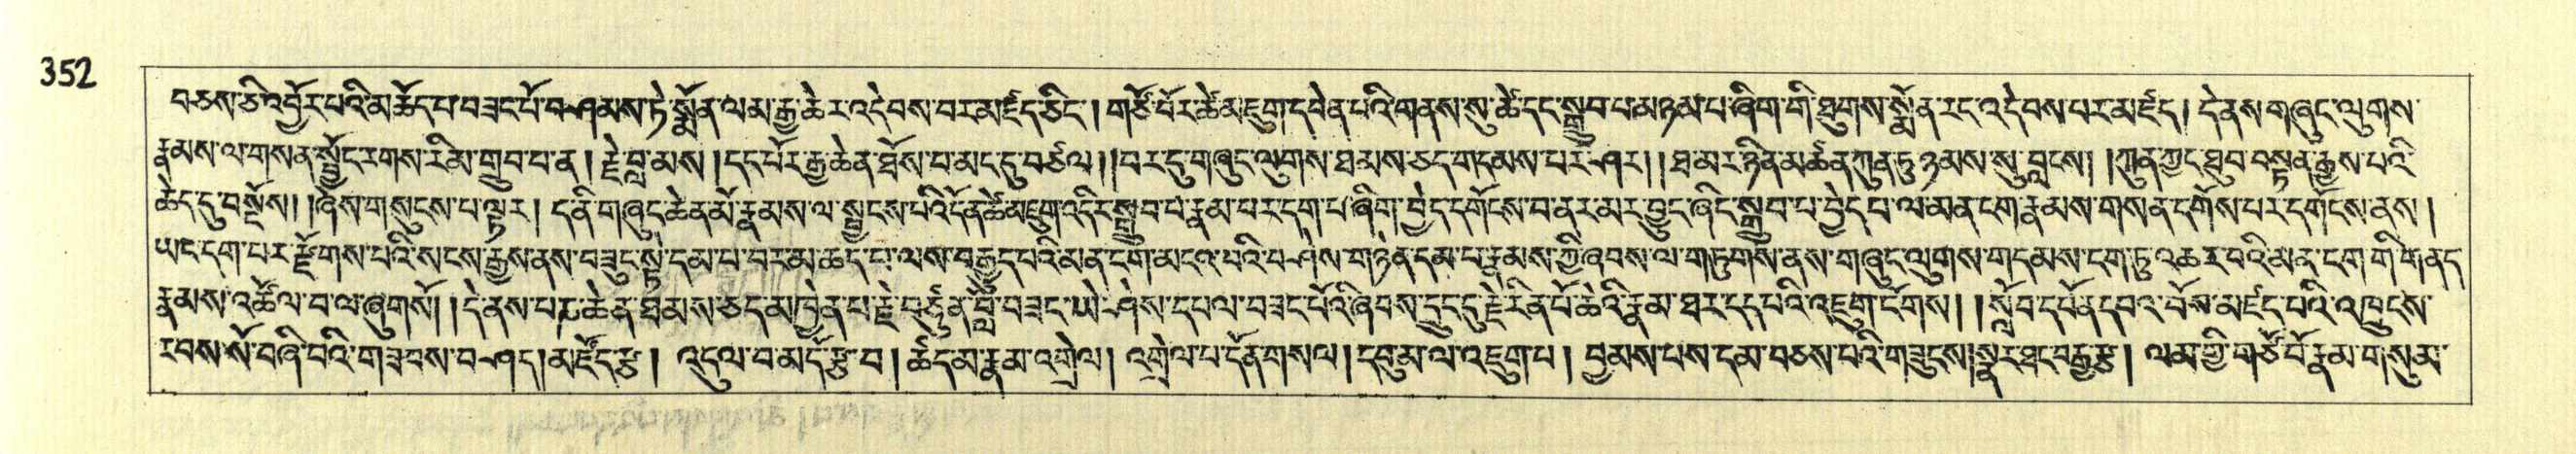བཅས་ཅི་འབྱོར་པའི་མཆོད་པ་བཟང་པོ་བཤམས་ཏེ་སྨོན་ལམ་རྒྱ་ཆེར་འདེབས་པར་མཛད་ཅིང་། གཙོ་བོར་ཚེ་མཇུག་དབེན་པའི་གནས་སུ་ཚེ་དང་སྒྲུབ་པ་མཉམ་པ་ཞིག་གི་ཐུགས་སྨོན་རང་འདེབས་པར་མཛད། དེ་ནས་གཞུང་ལུགས་
རྣམས་ལ་གསན་སྦྱོང་རགས་རིམ་གྲུབ་པ་ན། རྗེ་བླ་མས། དང་པོར་རྒྱ་ཆེན་ཐོས་པ་མང་དུ་བཙལ། །བར་དུ་གཞུང་ལུགས་ཐམས་ཅད་གདམས་པར་ཤར། །ཐ་མར་ཡིན་མཚན་ཀུན་ཏུ་ཉམས་སུ་བླངས། །ཀུན་ཀྱང་ཐུབ་བསྟན་རྒྱས་པའི་
ཆེད་དུ་བསྔོས། །ཞེས་གསུངས་པ་ལྟར། ད་ནི་གཞུང་ཆེན་མོ་རྣམས་ལ་སྦྱངས་པའི་དོན་ཚེ་མཇུག་འདིར་སྒྲུབ་པ་རྣམ་པར་དག་པ་ཞིག་བྱེད་དགོངས་པ་ནར་མར་བྱུང་ཞིང་སྒྲུབ་པ་བྱེད་པ་ལ་མན་ངག་རྣམས་གསན་དགོས་པར་དགོངས་ནས།
ཡང་དག་པར་རྫོགས་པའི་སངས་རྒྱས་ནས་བཟུང་སྟེ་དམ་པ་བར་མ་ཆད་པ་ལས་བརྒྱུད་པའི་མན་ངག་མངའ་བའི་བཤེས་གཉེན་དམ་པ་རྣམས་ཀྱི་ཞབས་ལ་གཏུགས་ནས་གཞུང་ལུགས་གདམས་ངག་ཏུ་འཆར་པའི་མན་ངག་གི་གནད་
རྣམས་འཚོལ་བ་ལ་ཞུགས་སོ། །དེ་ནས་པཎ་ཆེན་ཐམས་ཅད་མཁྱེན་པ་རྗེ་བཙུན་བློ་བཟང་ཡེ་ཤེས་དཔལ་བཟང་པོའི་ཞེས་དྲུང་དུ་རྗེ་རིན་པོ་ཆེའི་རྣམ་ཐར་དད་པའི་འཇུག་ངོགས། །སློབ་དཔོན་དཔའ་བོས་མཛད་པའི་འཁྲུངས་
རབས་སོ་བཞི་བའི་གཟབས་བཤད། མཛོད་རྩ། འདུལ་བ་མདོ་རྩ་བ། ཚད་མ་རྣམ་འགྲེལ། འགྲེལ་པ་དོན་གསལ། དབུ་མ་ལ་འཇུག་པ། བྱམས་པས་དམ་བཅས་པའི་གཟུངས། སྣར་ཐང་བརྒྱ་རྩ། ལམ་གྱི་གཙོ་བོ་རྣམ་གསུམ་